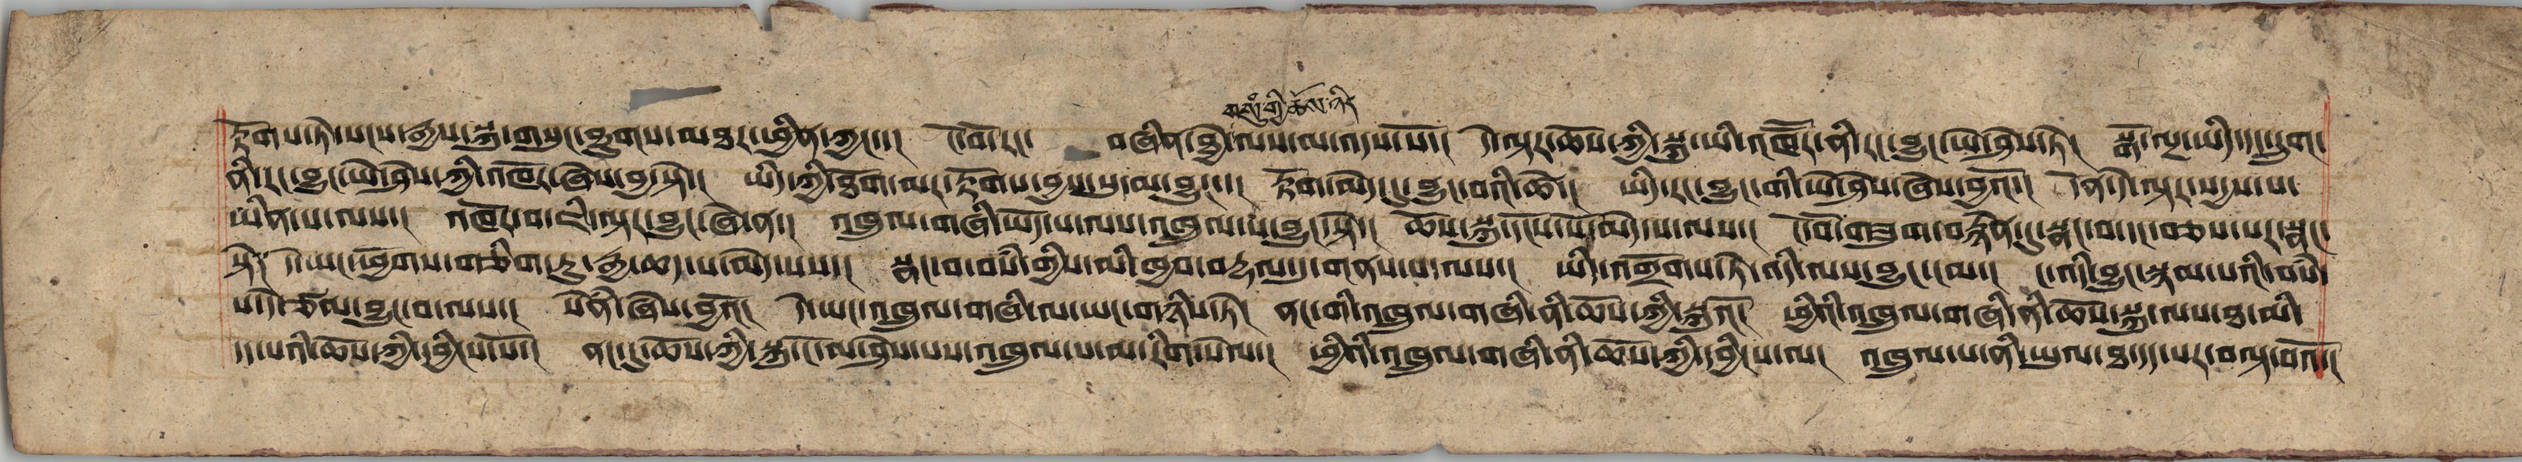རྟོགས་ཏེ་སངས་རྒྱས་སྐུ་གསུང་ཐུགས་མཐར་ཕྱིན་ཀྱང་་། ངོ་བོ་རང་ བཞིན་ཐྱེ་ལས་མ་འདས་སོ་། དེ་ལྟར་ཆོས་ཀྱི་སྐུ་ཡི་འཁཽར་ནི་རང་བྱུང་ཡེ་ཤེས་ཏེ། སྒོ་ལྔ་ཡིད་དང་དྲུག་
ནི་རང་བྱུང་ཡེ་ཤེས་ཀྱི་འཁོར་ཞེས་བྱ་སྟེ་། ཡིད་ཀྱི་ཐོག་མར་རྟོགས་བྱས་སུ་མ་བྱུང་་། རྟོག་མེད་དུ་བྱུང་བའི་ཚེ་། ཡིད་རང་གི་ཡེ་ཤེས་ཞེས་བྱའོ་། དོན་དེ་ལྟར་སདྱས་པ་
ཡིན་པ་ལས་། འཁོར་བ་ཇི་ལྟར་བྱུང་ཞེ་ན་། འཁྲུལ་གཞི་ཡོད་པ་ལས་འཁྲུལ་པ་བྱུང་སྟེ་། ཆོས་སྐུ་དངོས་པོ་མེད་པ་ལས་། ངོ་བོ་གཟུག་བརྙེན་དུ་སྣང་བ་དང་བཅས་པར་སྣང་
སྟེ༑ དེ་ཡང་ཕྱོགས་གཅིག་ཏུ་རྒྱ་ཆད་པ་མེད་པས་། སྣང་བ་བསཾ་གྱིས་མི་ཁྱབ་བརྡལ་དུ་གནས་བ་ལས་། ཡིད་འགྲོགས་ཏེ་འདི་ལས་བྱུང་ངམ་། ང་འདི་བྱུང་སྙམ་པའི་བསཾ་
པ་དེ་ཙམ་བྱུང་བ་ལས་། སེཾན་ཞེས་བྱའོ། དེ་ཡང་འཁྲུལ་གཞི་ལ་ཡང་གཉིས་ཏེ། ནང་གི་འཁྲུལ་གཞི་ནི་ཆོས་ཀྱི་སྐུའོ། ཕྱིའི་འཁྲུལ་གཞི་ནི་ཆོས་སྐུ་ལས་ཐ་མི་
དད་པའི་ཆོས་ཀྱི་དབྱིངས་སོ་། ནང་དུ་ཆོས་ཀྱི་སྐུ་ངོ་མ་ཤེས་པས་འཁྲུལ་པ་མ་རིག་སེལ་། ཕྱིའི་འཁྲུལ་གཞི་ནི་ཆོས་ཀྱི་དབྱིངས་ལ། འཁྲུལ་པ་ནི་ཡུལ་ཐ་དད་པར་བལྟ་བའོ་།